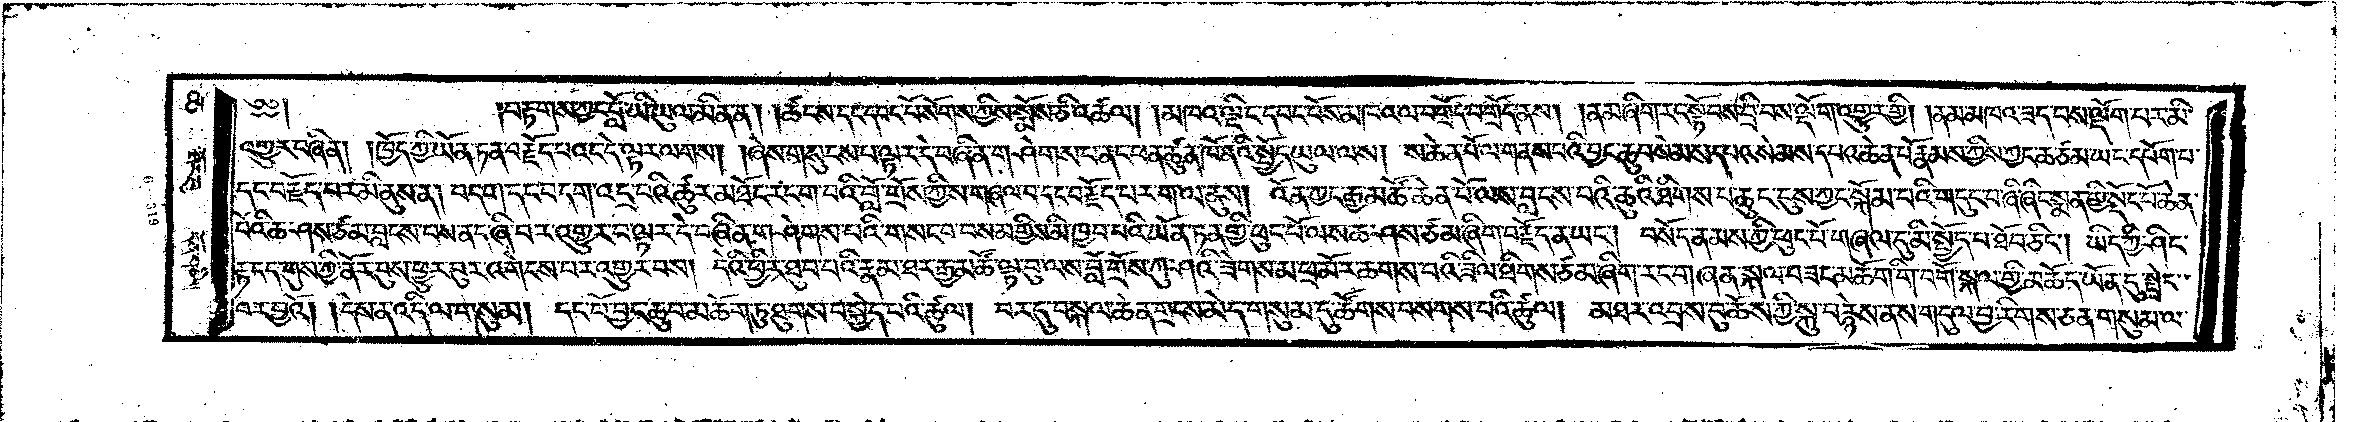༄༅། །བརྟགས་ཀྱང་བློ་ཡི་ཡུལ་མིན་ན། །ཚངས་དང་དབང་པོ་སོགས་ཀྱིས་སྨོས་ཅི་འཚལ། །མཁའ་ལྡིང་དབང་པོས་མཁའ་ལ་བགྲོད་བགྲོད་ནས། །ནམ་ཞིག་རང་སྟོབས་བྲི་བས་ལྡོག་འགྱུར་གྱི། །ནམ་མཁའ་ཟད་པས་ལྡོག་པར་མི་
འགྱུར་བཞིན། །ཁྱོད་ཀྱི་ཡོན་ཏན་བརྗོད་པའང་དེ་ལྟར་ལགས། །ཞེས་གསུངས་པ་ལྟར་དེ་བཞིན་གཤེགས་པ་ནང་ཕན་ཚུན་ཁོ་ནའི་སྤྱོད་ཡུལ་ལས། ས་ཆེན་པོ་ལ་གནས་པའི་བྱང་ཆུབ་སེམས་དཔའ་སེམས་དཔའ་ཆེན་པོ་རྣམས་ཀྱིས་ཀྱང་ཆ་ཙམ་ཡང་དཔོག་པ་
དང་བརྗོད་པར་མི་ནུས་ན། བདག་དང་བདག་འདྲ་བའི་ཚུར་མཐོང་རང་ག་པའི་བློ་གྲོས་ཀྱིས་གཞལ་བ་དང་བརྗོད་པར་ག་ལ་ནུས། འོན་ཀྱང་རྒྱ་མཚོ་ཆེན་པོ་ལས་བླངས་པའི་ཆུའི་ཐིགས་པ་ཆུང་ངུས་ཀྱང་སྐོམ་པའི་གདུང་བ་ཞི་ཞིང་སྨན་གྱི་སྡོང་པོ་ཆེན་
བོའི་ཆ་ཤས་ཙམ་བླངས་པས་ནད་ཞི་བར་འགྱུར་བ་ལྟར་དེ་བཞིན་གཤེགས་པའི་གསང་བ་བསམ་གྱིས་མི་ཁྱབ་པའི་ཡོན་ཏན་གྱི་ཕུང་པོ་ལས་ཆ་ཤས་ཙམ་ཞིག་བརྗོད་ན་ཡང་། བསོད་ནམས་ཀྱི་ཕུང་པོ་གཞལ་དུ་མི་སྤྱོད་པ་ཐོབ་ཅིང་། ཡིད་ཀྱི་ཤིང་
རྟ་ངད་གུས་ཀྱི་ནོར་བུས་ཕྱུར་བུར་འགེངས་པར་འགྱུར་བས། དེའི་ཕྱིར་ཐུབ་པའི་རྣམ་ཐར་རྒྱ་མཚོ་ལྟ་བུ་ལས་བློ་གྲོས་ཀུ་ཤའི་ཟེགས་མ་ཕྲ་མོར་ཆགས་པའི་ཟིལ་ཐིགས་ཙམ་ཞིག་རང་གཞན་སྐལ་བཟང་མཆོག་གི་བགོ་སྐལ་གྱི་མཆོད་ཡོན་དུ་སྤྲེང་
བར་བྱའོ། །དེས་ན་འདི་ལ་གསུམ། དང་པོ་བྱང་ཆུབ་མཆོག་ཏུ་ཐུགས་བསྐྱེད་པའི་ཚུལ། བར་དུ་བསྐལ་ཆེན་གྲངས་མེད་གསུམ་དུ་ཚོགས་བསགས་པའི་ཚུལ། མཐར་འབྲས་བུ་ཆོས་ཀྱི་སྐུ་བརྙེས་ནས་གདུལ་བྱ་རིགས་ཅན་གསུམ་ལ་